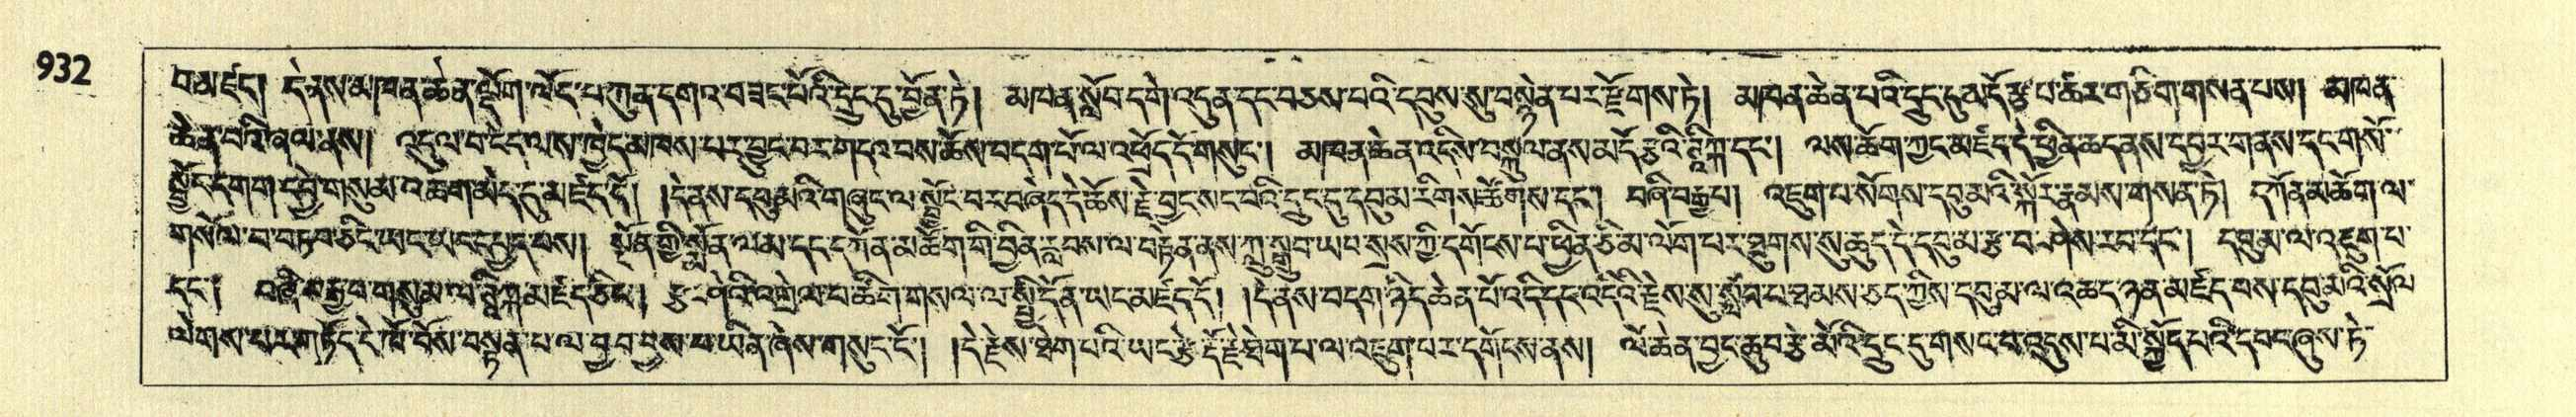བ་མཛད། དེ་ནས་མཁན་ཆེན་ལྡོག་ལོང་པ་ཀུན་དགའ་བཟང་པོའི་དྲུང་དུ་བྱོན་ཏེ། མཁན་སློབ་དགེ་འདུན་དང་བཅས་པའི་དབུས་སུ་བསྙེན་པར་རྫོགས་ཏེ། མཁན་ཆེན་པའི་དྲུང་དུ་མདོ་རྩ་པ་ཚར་གཅིག་གསན་པས། མཁན་
ཆེན་བའི་ཞལ་ནས། འདུལ་བ་ངེད་ལས་ཁྱེད་མཁས་པར་བྱུང་བར་གདའ་བས་ཆོས་བདག་པོ་ལ་འཕྲོད་དོ་གསུང་། མཁན་ཆེན་འདིས་བསྐུལ་ནས་མདོ་རྩའི་ཊཱིཀྐ་དང་། ལས་ཆོག་ཀྱང་མཛད་དེ་ཕྱིན་ཆད་ནས་དབྱར་གནས་དང་གསོ་
སྦྱོང་དགག་དབྱེ་གསུམ་འཆག་མེད་དུ་མཛད་དོ། །དེ་ནས་དབུ་མའི་གཞུང་ལ་སྦྱོང་བར་བཞེད་དེ་ཆོས་རྗེ་བྱང་སང་བའི་དྲུང་དུ་དབུམ་རིགས་ཚོགས་དང་། བཞི་བརྒྱ་པ། འཇུག་པ་སོགས་དབུ་མའི་སྐོར་རྣམས་གསན་ཏེ། དཀོན་མཆོག་ལ་
གསོལ་བ་བཏབ་ཅིང་ཡང་ཡང་དཔྱད་པས། སྔོན་གྱི་སྨོན་ལམ་དང་དཀོན་མཆོག་གི་བྱིན་རླབས་ལ་བརྟེན་ནས་ཀླུ་སྒྲུབ་ཡབ་སྲས་ཀྱི་དགོངས་པ་ཕྱིན་ཅི་མ་ལོག་པར་ཐུགས་སུ་ཆུད་དེ་དབུ་མ་རྩ་བ་ཤེས་རབ་དང་། དབུ་མ་ལ་འཇུག་པ་
དང་། བཞི་བརྒྱ་པ་གསུམ་ལ་ཊཱིཀྐ་མཛད་ཅིང་། རྩ་ཤེའི་འགྲེལ་བ་ཚིག་གསལ་ལ་སྤྱི་དོན་ཡང་མཛད་དོ། །དེ་ནས་བདག་ཉིད་ཆེན་པོ་འདི་དང་འདིའི་རྗེས་སུ་སློབ་པ་ཐམས་ཅད་ཀྱིས་དབུ་མ་ལ་འཆད་ཉན་མཛད་བས་དབུ་མའི་སྲོལ་
ལེགས་པར་གཏོད་དེ་ཁོ་བོས་བསྟན་པ་ལ་བྱ་བ་བྱས་པ་ཡིན་ཞེས་གསུང་ངོ། །དེ་རྗེས་ཐེག་པའི་ཡང་རྩེ་རྡོ་རྗེ་ཐེག་པ་ལ་འཇུག་པར་དགོངས་ནས། ལོ་ཆེན་བྱང་ཆུབ་རྩེ་མོའི་དྲུང་དུ་གསང་བ་འདུས་པ་མི་སྐྱོད་པའི་དབང་ཞུས་ཏེ་